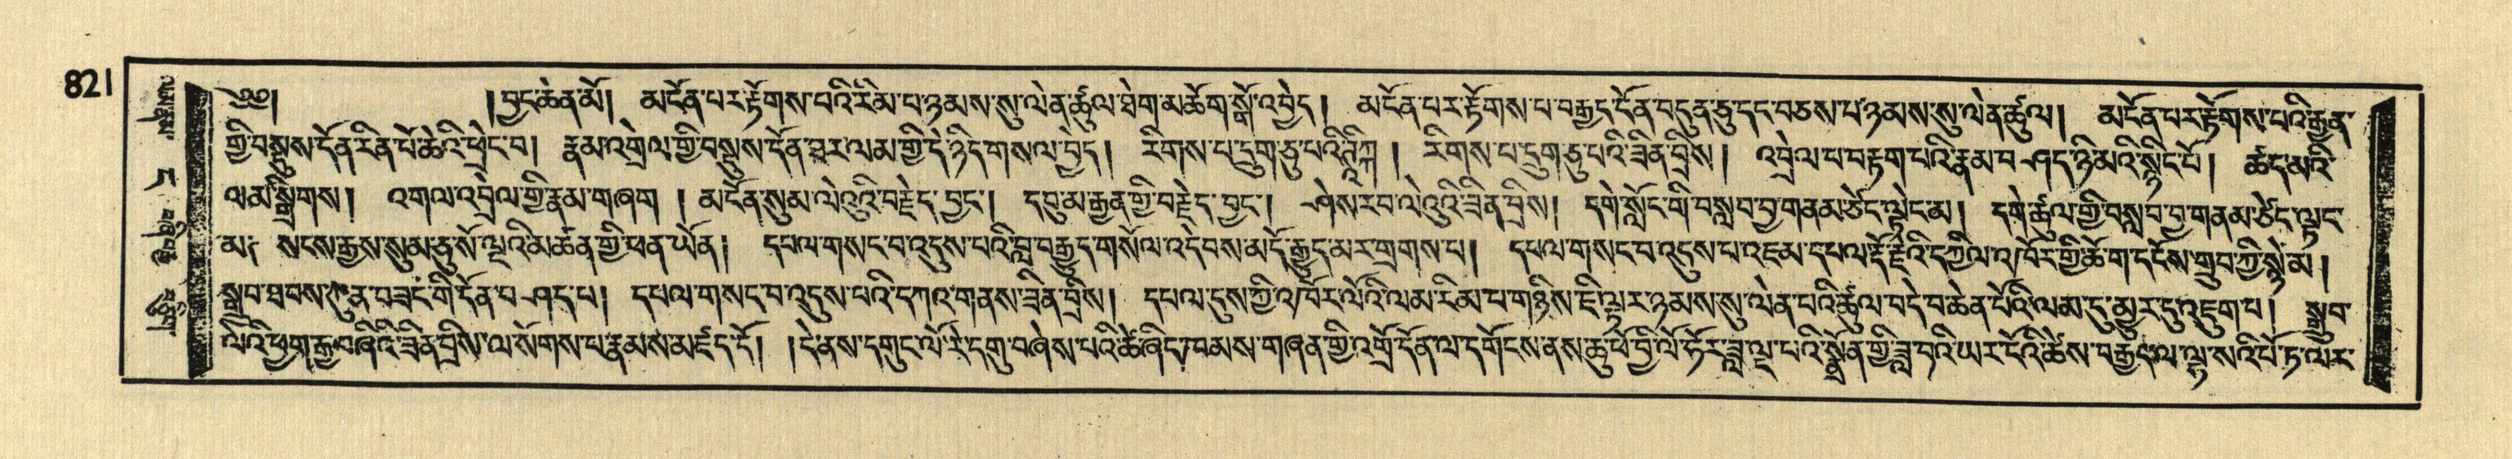༄༅། །བྱང་ཆེན་མོ། མངོན་པར་རྟོགས་པའི་རིམ་པ་ཉམས་སུ་ལེན་ཚུལ་ཐེག་མཆོག་སྒོ་འབྱེད། མངོན་པར་རྟོགས་པ་བརྒྱད་དོན་བདུན་ཅུ་དང་བཅས་པ་ཉམས་སུ་ལེན་ཚུལ། མངོན་པར་རྟོགས་པའི་རྒྱན་
གྱི་བསྡུས་དོན་རིན་པོ་ཆེའི་ཕྲེང་བ། རྣམ་འགྲེལ་གྱི་བསྡུས་དོན་ཐར་ལམ་གྱི་དེ་ཉིད་གསལ་བྱེད། རིགས་པ་དྲུག་ཅུ་པའི་ཊཱིཀྐ། རིགས་པ་དྲུག་ཅུ་པའི་ཟིན་བྲིས། འབྲེལ་པ་བརྟག་པའི་རྣམ་བཤད་ཉི་མའི་སྙིང་པོ། ཚད་མའི་
ལམ་སྒྲིགས། འགལ་འབྲེལ་གྱི་རྣམ་གཞག །མངོན་སུམ་ལེའུའི་བརྗེད་བྱང་། དབུ་མ་རྒྱན་གྱི་བརྗེད་བྱང་། ཤེས་རབ་ལེའུའི་ཟིན་བྲིས། དགེ་སློང་གི་བསླབ་བྱ་གནམ་ཙེང་ལྟེང་མ། དགེ་ཚུལ་གྱི་བསླབ་བྱ་གནས་ཙེང་ལྟང་
མ༑ སངས་རྒྱས་སུམ་ཅུ་སོ་ལྔའི་མཚན་གྱི་ཕན་ཡོན། དཔལ་གསང་བ་འདུས་པའི་བླ་བརྒྱུད་གསོལ་འདེབས་མདོ་རྒྱུད་མར་གྲགས་པ། དཔལ་གསང་བ་འདུས་པ་འཇམ་དཔལ་རྡོ་རྗེའི་དཀྱིལ་འཁོར་གྱི་ཆོ་ག་དངོས་གྲུབ་ཀྱི་སྙེ་མ།
སྒྲུབ་ཐབས་ཀུན་བཟང་གི་དོན་བཤད་པ། དཔལ་གསང་བ་འདུས་པའི་དཀའ་གནས་ཟིན་བྲིས། དཔལ་དུས་ཀྱི་འཁོར་ལོའི་ལམ་རིམ་པ་གཉིས་ཇི་ལྟར་ཉམས་སུ་ལེན་པའི་ཚུལ་བདེ་བ་ཆེན་པོའི་ལམ་དུ་མྱུར་དུ་འཇུག་པ། སྒྲུབ་
ལེའི་ཕྱག་རྒྱ་བཞིའི་ཟིན་བྲིས་ལ་སོགས་པ་རྣམས་མཛད་དོ། །དེ་ནས་དགུང་ལོ་རེ་དགུ་བཞེས་པའི་ཚེ་ཞིང་ཁམས་གཞན་གྱི་འགྲོ་དོན་ལ་དགོངས་ནས་ཆུ་ཕོ་བྱི་ལོ་ཧོར་ཟླ་ལྔ་པའི་སྣྲོན་གྱི་ཟླ་བའི་ཡར་ངོའི་ཚེས་བརྒྱད་ལ་ལྷ་སའི་པོ་ཏ་ལར་